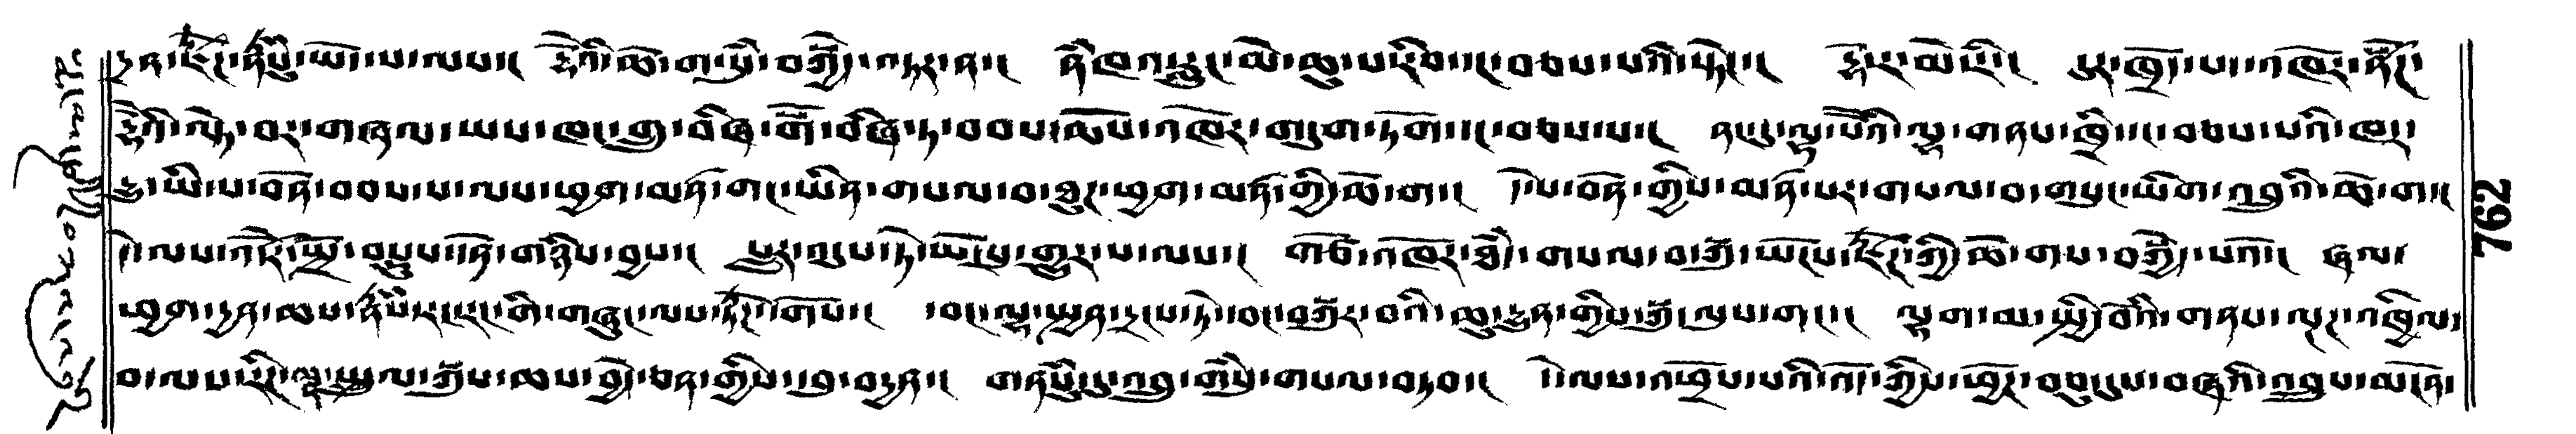དྲན་རྫོགས་རྣམས་སུ་ཡོད་པ་ལས། རྡོ་རྗེའི་ཆོ་ག་གསུམ་བསྐྱེད་ལྟར་ན། ནམ་མཁའ་རླུང་མེ་ཆུ་ས་རི་རབ་དང་བཅས་པའི་སྟེང་། རྡོ་རྭ་མེ་རི། དུར་ཁྲོད་པད་འཁོར་སྣ་ཚོགས་
རྡོ་རྗེའི་ལྟེ་བར་གཞལ་ཡས་ཁང་གྲུ་བཞི་སྒོ་བཞི་རྟ་བབས་ཆོས་འཁོར་གདུགས་ཏོག་དང་བཅས་པ། ནང་དུ་ལྷ་སོ་སོའི་ལྷ་གནས་ཁྲི་དང་བཅས་པའི་ཁར་
རྒྱུ་ཡི་ས་བོན་བབས་པ་ལས་ཕྱག་མཚན་གང་ཡིན་གསལ་བ་ཐུགས་ཕྱག་མཚན་གྱི་ཆོ་ག དེ་ས་བོན་གྱིས་མཚན་པར་གསལ་བ་གསུང་ཡིག་འབྲུའི་ཆོ་ག་
དེ་ལས་འོར་ཟེར་སྤྲོ་བསྡུས་དོན་གཉིས་བྱས།སླར་འདུས་ཏེ་ཡོངས་སུ་གྱུར་པ་ལས། གཙོ་འཁོར་ཐམས་ཅད་གསལ་བ་སྐུ་ཡོངས་རྫོགས་ཀྱི་ཆོ་གས་བསྐྱེད་པའོ། ཞལ་
ཕྱག་རྒྱན་ཆས་རྣམས་རང་རང་གི་གཞུང་ལས་རྟོགས་དགོས། དབང་ལྷ་སྤྱན་དྲངས་ཏེ་དབང་བསྐུར་བའི་ཆུ་རྒྱུན་གྱིས་སྐུ་ལུས་གང་། ལྷག་མ་སྤྱི་བོའི་གནས་ལྔར་འཁྱིལ་
བ་ལས་རིགས་ལྔ་སྤྲུལ་སྐུའི་ཆ་བྱད་ཅན་གྱིས་དབུ་བརྒྱན། གནས་གསུམ་དུ་འབྲུ་གསུམ་གསལ་བཏབ། དེ་ལས་འཕྲོས་པའི་འོད་ཀྱིས་ཕྱོགས་བཅུ་དུས་བཞིའི་འབྲས་བུ་མངོན་